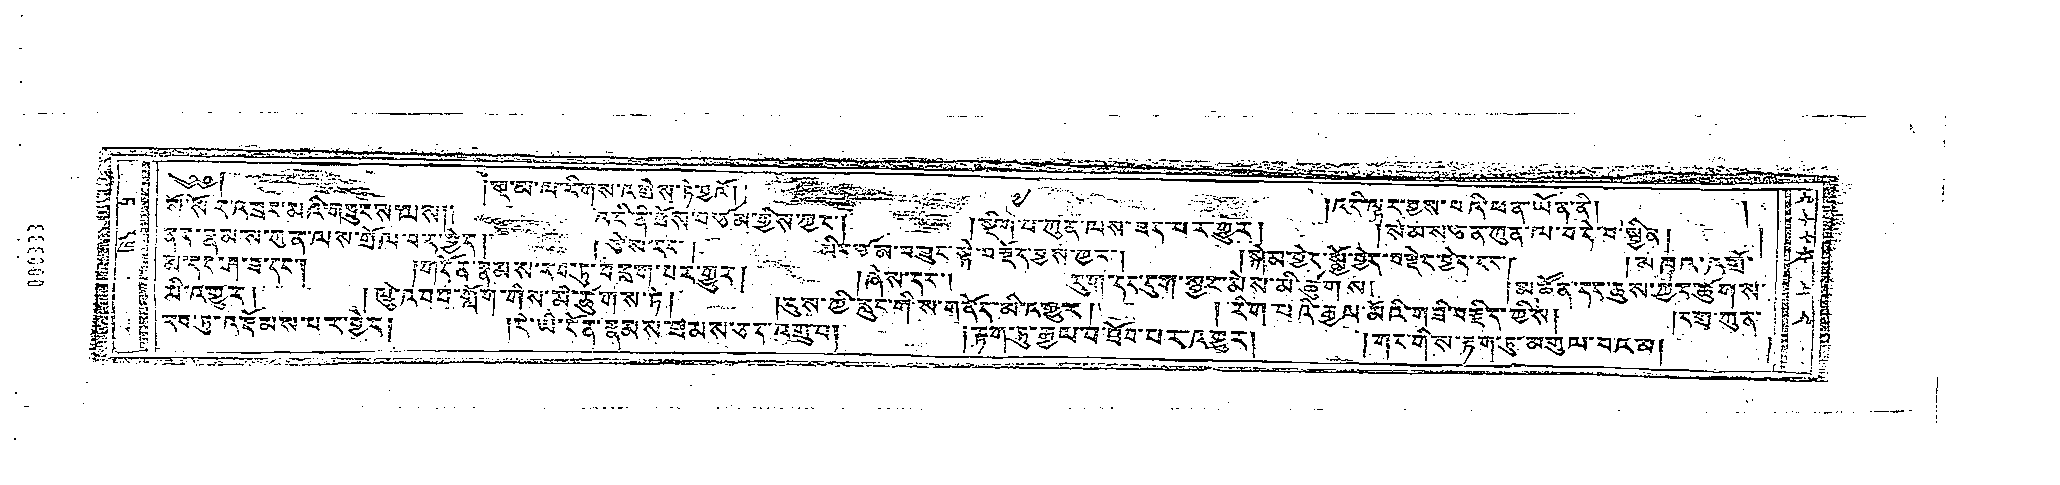༄༅། །སྔ་མ་ལ་རིགས་འགྲེས་ཏེ་བྱའོ། །འདི་ལྟར་བྱས་པའི་ཕན་ཡོན་ནི། །སོ་སོར་འབྲང་མའི་གཟུངས་ལས། །འདི་ནི་ཐོས་པ་ཙམ་གྱིས་ཀྱང་། །སྡིག་པ་ཀུན་ལས་ཟད་པར་གྱུར། །སེམས་ཅན་ཀུན་ལ་བདེ་བ་སྦྱིན། །
ནད་རྣམས་ཀུན་ལས་གྲོལ་བར་བྱེད། །ཅེས་དང་། མིང་ཙམ་བཟུང་སྟེ་བརྗོད་བྱས་ཀྱང་། །སྐེམ་བྱེད་སྨྱོ་བྱེད་བརྗེད་བྱེད་དང་། །མཁའ་འགྲོ་
མ་དང་ཤ་ཟ་དང་། །གདོན་རྣམས་རབ་ཏུ་བརླག་བར་གྱུར། །ཞེས་དང་། དུག་དང་དུག་སྦྱར་མེས་མི་ཚུགས། །མཚོན་དད་ཆུས་ཀྱང་ཚུགས་
མི་འགྱུར། །ལྕེ་འབབ་གློག་གིས་མི་ཚུགས་ཏེ། །དུས་ཀྱི་རླུང་གིས་གནོད་མི་འགྱུར། །རིག་པའི་རྒྱལ་མོའི་གཟི་བརྗིད་ཀྱིས། །དགྲ་ཀུན་
རབ་ཏུ་འཇོམས་པར་བྱེད། །དེ་ཡི་དོན་རྣམས་ཐམས་ཅད་འགྲུབ། །རྟག་ཏུ་རྒྱལ་བ་ཐོབ་པར་འགྱུར། །གང་གིས་རྟག་ཏུ་མགུལ་པའམ། །